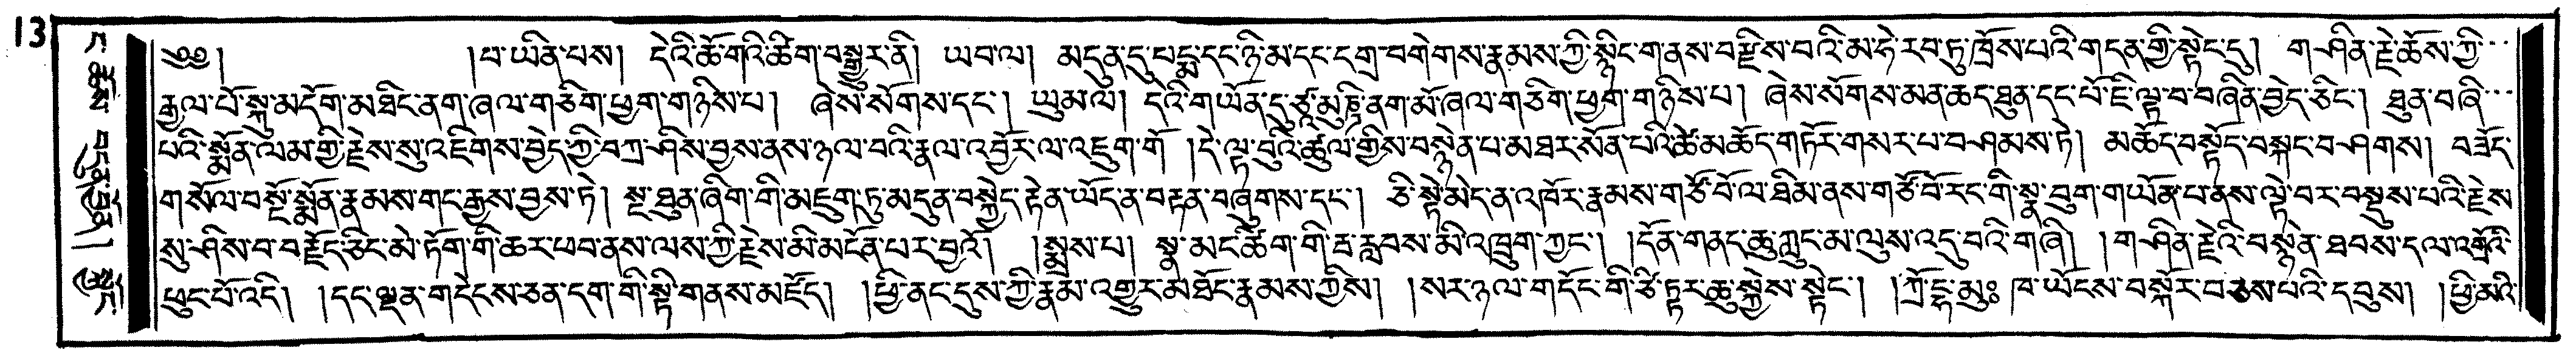༄༅། །པ་ཡིན་པས། དེའི་ཆོ་གའི་ཚིག་བསྒྱུར་ནི། ཡབ་ལ། མདུན་དུ་པདམ་དང་ཉི་མ་དང་དགྲ་བགེགས་རྣམས་ཀྱི་སྙིང་ག་ནས་བརྫིས་པའི་མ་ཧེ་རབ་ཏུ་ཁྲོས་པའི་གདན་གྱི་སྟེང་དུ། གཤིན་རྗེ་ཆོས་ཀྱི་
རྒྱལ་པོ་སྐུ་མདོག་མཐིང་ནག་ཞལ་གཅིག་ཕྱག་གཉིས་པ། ཞེས་སོགས་དང་། ཡུམ་ལ། དེའི་གཡོན་དུ་ཙཱ་མུཎྜི་ནག་མོ་ཞལ་གཅིག་ཕྱག་གཉིས་པ། ཞེས་སོགས་མན་ཆད་ཐུན་དང་པོ་ཇི་ལྟ་བ་བཞིན་བྱེད་ཅིང་། ཐུན་བཞི་
པའི་སྨོན་ལམ་གྱི་རྗེས་སུ་འཇིགས་བྱེད་ཀྱི་བཀྲ་ཤིས་བྱས་ནས་ཉལ་བའི་རྣལ་འབྱོར་ལ་འཇུག་གོ །དེ་ལྟ་བུའི་ཚུལ་གྱིས་བསྙེན་པ་མཐར་སོན་པའི་ཚེ་མཆོད་གཏོར་གསར་པ་བཤམས་ཏེ། མཆོད་བསྟོད་བསྐང་བཤགས། བཟོད་
གསོལ་བསྔོ་སྨོན་རྣམས་གང་རྒྱས་བྱས་ཏེ། སྔ་ཐུན་ཞིག་གི་མཇུག་ཏུ་མདུན་བསྐྱེད་རྟེན་ཡོད་ན་བརྟན་བཞུགས་དང་། ཅི་སྟེ་མེད་ན་འཁོར་རྣམས་གཙོ་བོ་ལ་ཐིམ་ནས་གཙོ་བོ་རང་གི་སྣ་བུག་གཡོན་པ་ནས་ལྟེ་བར་བསྡུས་པའི་རྗེས་
སུ་ཤིས་བ་བརྗོད་ཅིང་མེ་ཏོག་གི་ཆར་ཕབ་ནས་ལས་ཀྱི་རྗེས་མི་མངོན་པར་བྱའོ། །སྨྲས་པ། སྣ་མང་ཚིག་གི་རྦ་རླབས་མི་འཁྲུག་ཀྱང་། །དོན་གནད་ཆུ་ཀླུང་མ་ལུས་འདུ་བའི་གཞི། །གཤིན་རྗེའི་བསྙེན་ཐབས་དལ་འགྲོའི་
ཕུང་པོ་འདི། །དང་ལྡན་གདེངས་ཅན་དག་གི་སྟི་གནས་མཛོད། །ཕྱི་ནང་དུས་ཀྱི་རྣམ་འགྱུར་མཐོང་རྣམས་ཀྱིས། །སར་ཉལ་གདོང་གི་ཙི་ཏྟར་ཆུ་སྐྱེས་སྟེང་། །ཀྲོ་དྷ་མུཿ ཁ་ཡོངས་བསྐོར་བཅས་པའི་དབུས། །ཕྱི་མའི་